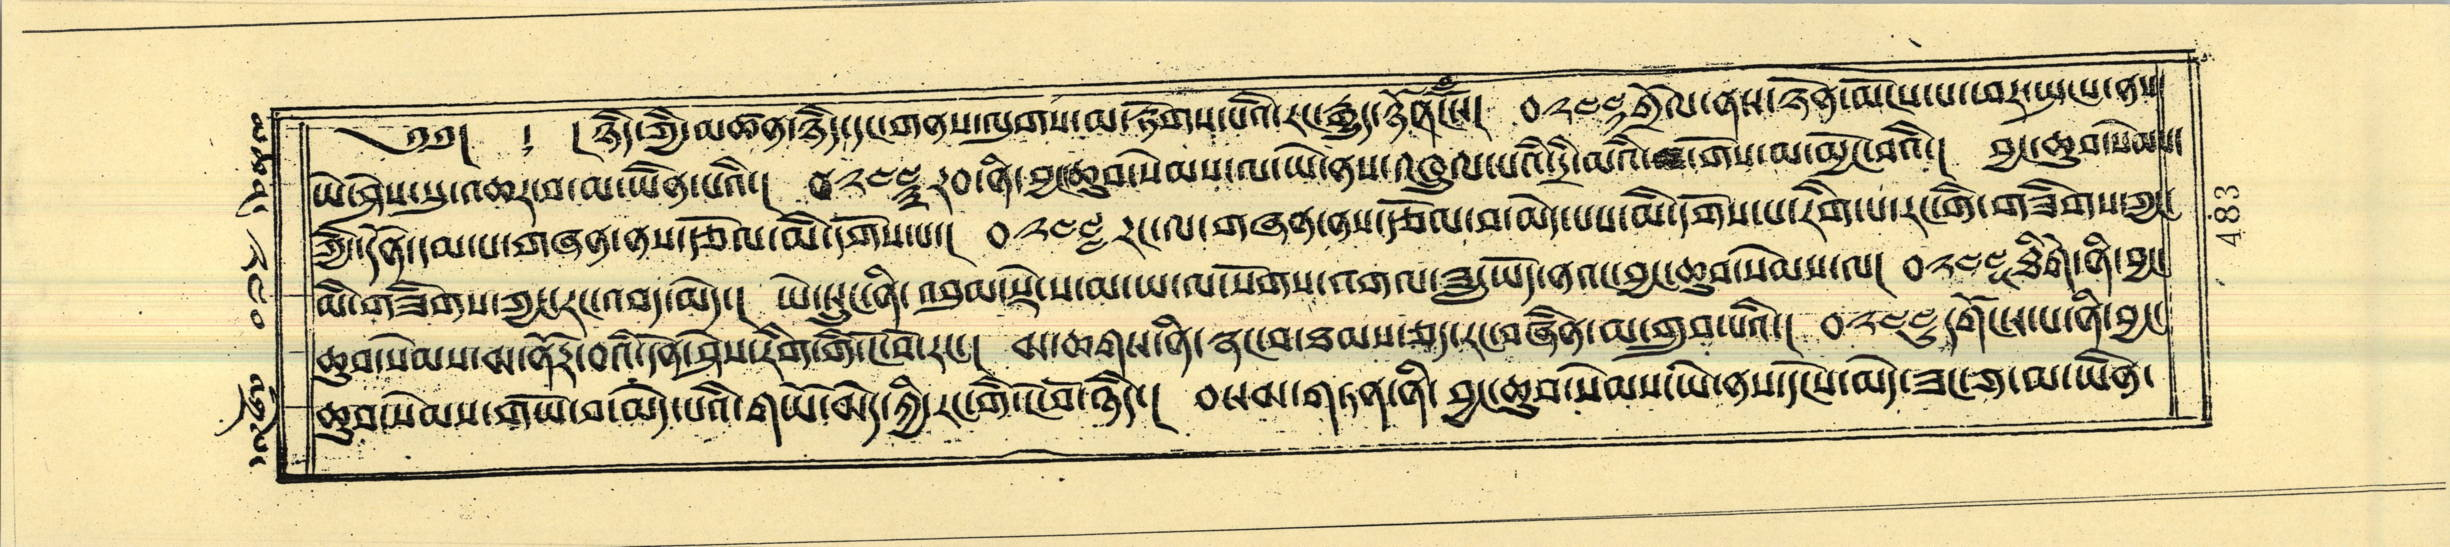ཉིད་ཀྱི་མཚན་ཉིད་དང་གནས་ལུགས་མ་རྟོགས་པའི་རང་རྒྱུད་ཉོན་མོངས་ བ༢༤༤།༡༼གྲོལ་ནས༽ཉོན་མོངས་པ་ཕར་སྤངས་ནས་
ཡེ་ཤེས་སུ་འཆར་བ་མ་ཡིན་པའི་ བ༢༤༤།༣༼རབ་ནི༽བྱང་ཆུབ་སེམས་ལ་ཡེ་ནས་འཁྲུལ་པའི་དྲི་མས་གོས་མ་མྱོང་བས་ བྱང་ཆུབ་སེམས་
ཀྱི་དོན་དམ་པ་གཞན་ནས་རྩོལ་མི་དགོས་པ་ བ༢༤༤།༤རང་ལ་གཞན་ནས་རྩོལ་བ་མེད་པས་མི་དགོས་པ་རིག་པ་རང་གིས་གཟིགས་ཀྱང་
མི་གཟིགས་ཀྱང་རང་འབད་མེད་ ཡེ་སྲུང་ནི་འབུམ་སྡེ་ས་མ་ཡ་ལ་སོགས་འགལ་ཟླ་ཡོད་ནའང་བྱང་ཆུབ་སེམས་ལ་ བ༢༤༤།༥ཐིག་ལེ་ནི་བྱང་
ཆུབ་སེམས་མ་ནོར་བའི་དོན་ཤེས་རིག་གི་ངོ་བོ་རང་། མ་ཆགས་ནི་སྣང་བ་ཐམས་ཅད་རང་བཞིན་མ་གྲུབ་པའི་ བ༢༤༤།༦དགོངས་པ་ནི་བྱང་
ཆུབ་སེམས་གཡོ་བ་མེད་པའི་གཡོ་མེད་ཀྱི་རང་གི་ངོ་བོ་ཉིད་ བསམ་གཏན་ནི་བྱང་ཆུབ་སེམས་ཡེ་ནས་དངོས་མེད་ཟང་ཀ་མ་ཡིན་